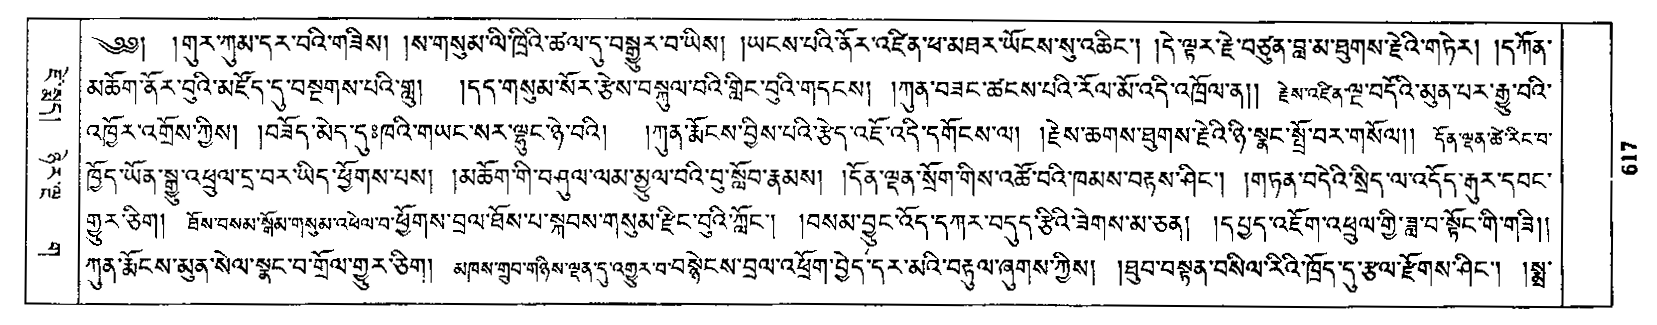༄༅། །གུར་ཀུམ་དར་བའི་གཟིས། །ས་གསུམ་ལི་ཁྲིའི་ཚལ་དུ་བསྒྱུར་བ་ཡིས། །ཡངས་པའི་ནོར་འཛིན་ཕ་མཐར་ཡོངས་སུ་འཆིང་། །དེ་ལྟར་རྗེ་བཙུན་བླ་མ་ཐུགས་རྗེའི་གཏེར། །དཀོན་མཆོག་ནོར་བུའི་མཛོད་དུ་བསྔགས་པའི་གླུ། །དད་གསུམ་སོར་
རྩེས་བསྐུལ་བའི་གླིང་བུའི་གདངས། །ཀུན་བཟང་ཚངས་པའི་རོལ་མོ་འདི་འཁྲོལ་ན། །ལྔ་བདོའི་མུན་པར་རྒྱུ་བའི་འཁྱོར་འགྲོས་ཀྱིས། །བཟོད་མེད་དུཿ ཁའི་གཡང་སར་ལྷུང་ཉེ་བའི། །ཀུན་རྨོངས་བྱིས་པའི་རྩེད་འཇོ་འདི་དགོངས་ལ། །རྗེས་ཆགས་ཐུགས་རྗེའི་ཉི་སྣང་
སྤྲོ་བར་གསོལ། ཁྱོད་ཡོན་སྒྱུ་འཕྲུལ་དྲ་བར་ཡིད་ཕྱོགས་པས། །མཆོག་གི་བཤུལ་ལམ་མྱུལ་བའི་བུ་སློབ་རྣམས། །དོན་ལྡན་སྲོག་གིས་འཚོ་བའི་ཁམས་བརྟས་ཤིང་། །གཏན་བདེའི་སྲིད་ལ་འདོད་རྒུར་དབང་གྱུར་ཅིག །ཕྱོགས་བྲལ་ཐོས་པ་སྐབས་གསུམ་རྫིང་བུའི་ཀློང་། །བསམ་བྱུང་འོད་དཀར་བདུད་རྩིའི་ཟེགས་མ་ཅན། །དཔྱད་འཇོག་འཕྲུལ་གྱི་ཟླ་བ་སྟོང་གི་གཟི། །ཀུན་རྨོངས་མུན་སེལ་སྣང་བར་གྲོལ་གྱུར་ཅིག །བསྙེངས་བྲལ་འཕྲོག་བྱེད་དར་མའི་བརྟུལ་ཞུགས་ཀྱིས། །
ཐུབ་བསྟན་བསིལ་རིའི་ཁྲོད་དུ་རྩལ་རྫོགས་ཤིང་། །སྨྲ་